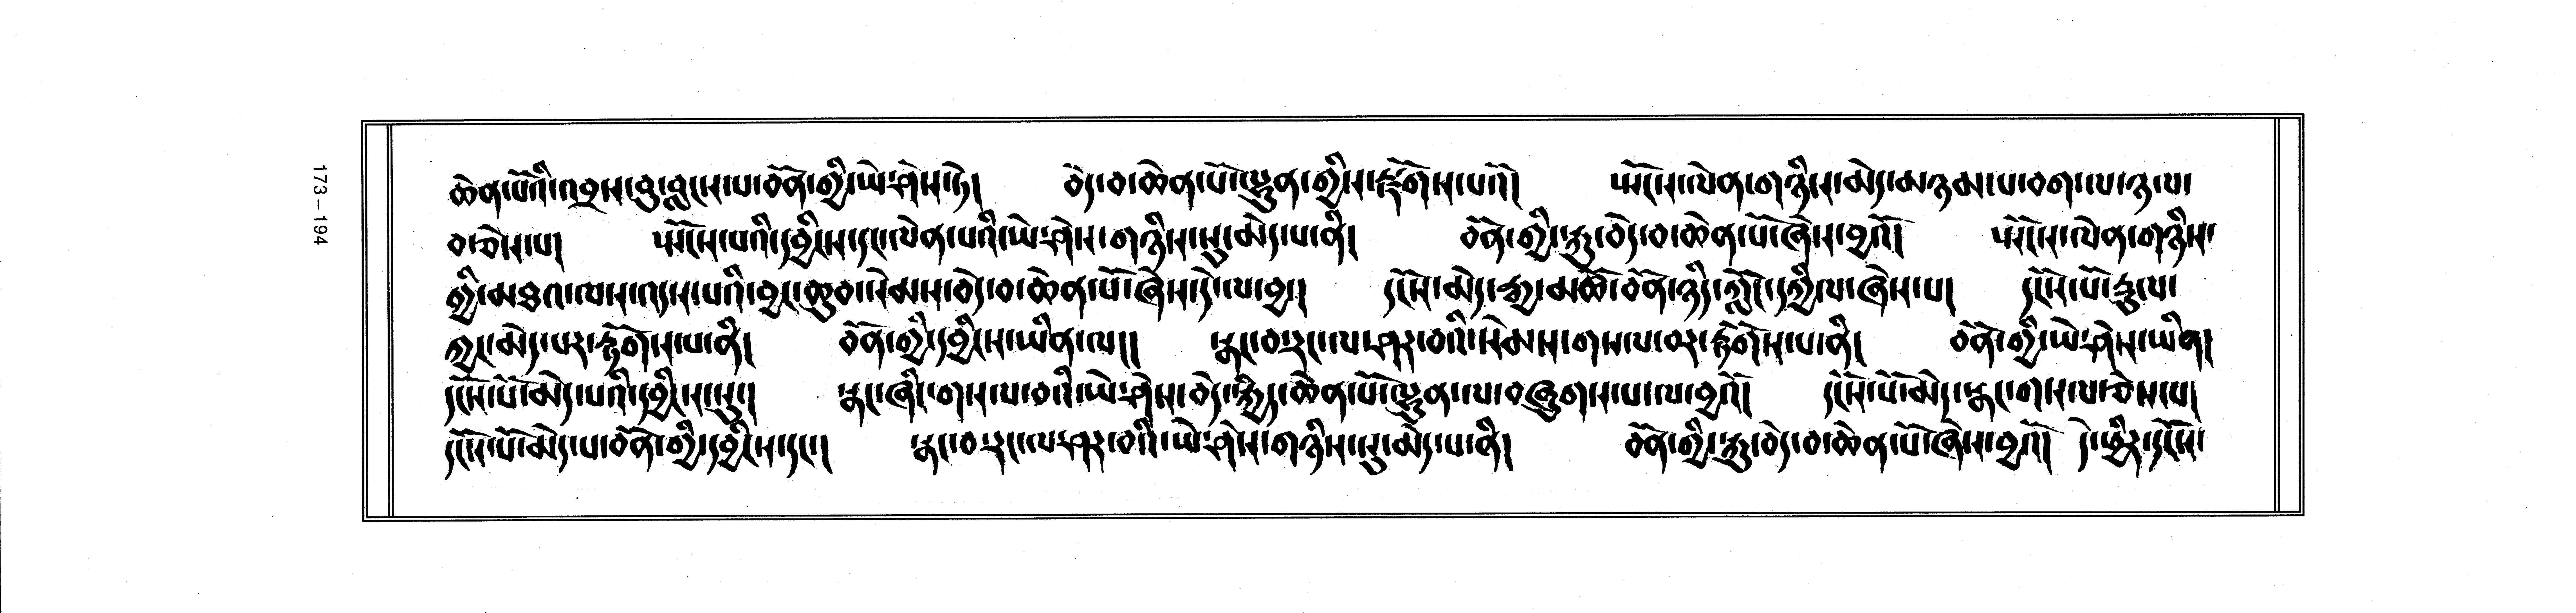ཆེན་པོའི་འབྲས་བུ་བླང་བ་བོན་གྱི་ཡེ་ཤེས་ཡིན་ཏེ། བདེ་བ་ཆེན་པོ་ལྷུན་གྱིས་རྫོགས་པའོ། །སྤོང་ལེན་གཉིས་མེད་མཉམ་པ་བག་ལ་ཉལ་
བ་ཅེས་པ། སྤོང་བའི་དབྱིངས་དང་ལེན་པའི་ཡེ་ཤེས་གཉིས་སུ་མེད་པ་ནི་བོན་གྱི་སྐུ་བདེ་བ་ཆེན་པོ་ཞེས་བྱའོ། །སྤོང་ལེན་གཉིས་
ཀྱི་མཐའ་ལས་འདས་པའི་བྱང་ཆུབ་སེམས་བདེ་བ་ཆེན་པོ་ཞེས་དེ་ལ་བྱ། དངོས་མེད་རྒྱ་མཚོ་བོན་ཉིད་ཀློང་དཀྱིལ་ཞེས་པ། དངོས་པོ་རྡུལ་
ཀྱང་མེད་པར་རྟོགས་པ་ནི། བོན་གྱི་དབྱིངས་ཡིན་ལ། སྣང་བ་རང་ལ་ཤར་བའི་སེམས་གསལ་བར་རྟོགས་པ་ནི་བོན་གྱི་ཡེ་ཤེས་ཡིན་
དངོས་པོ་མེད་པའི་དབྱིངས་སུ་སྣང་ཞིང་གསལ་བའི་ཡེ་ཤེས་བདེ་སྐྱིད་ཆེན་པོ་ལྷུན་གྱིས་བཞུགས་པ་ལ་བྱའོ། །དངོས་པོ་མེད་སྣང་གསལ་ཞེས་པ། 
དངོས་པོ་མེད་པ་བོན་གྱི་དབྱིངས་དང་། སྣང་བ་རང་ལ་ཤར་བའི་ཡེ་ཤེས་གཉིས་སུ་མེད་པ་ནི། བོན་གྱི་སྐུ་བདེ་བ་ཆེན་པོ་ཞེས་བྱའོ། །དེའི་ཕྱིར་དངོས་